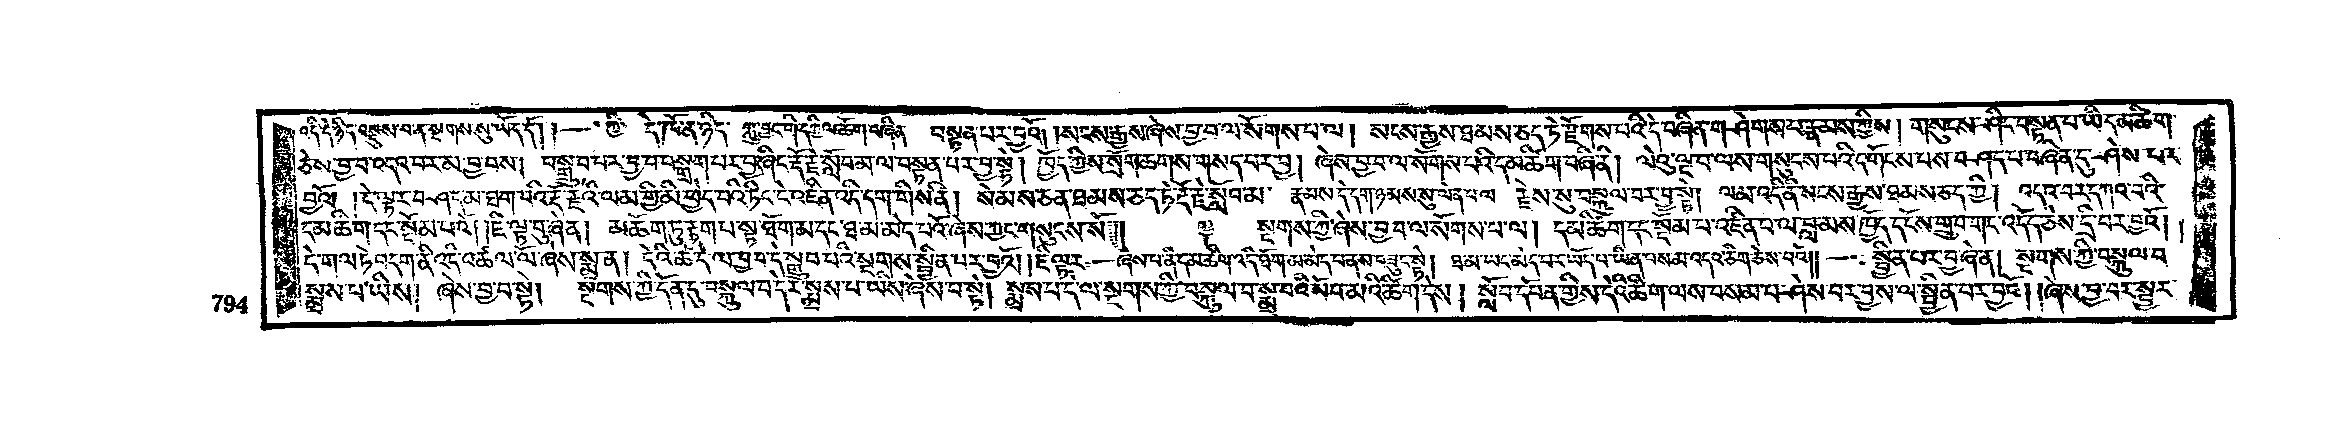འདི་དེ་ཉིད་བསྡུས་པ་ན་སྔགས་སུ་ཡོད་དོ།།.Hཀྱི་དེ་ཁོ་ན་ཉིད་ཀླུ་བྱང་གི་དཀྱིལ་ཆོ་ག་བཞིན་བསྟན་པར་བྱའོ། །སངས་རྒྱས་ཞེས་བྱ་བ་ལ་སོགས་པ་ལ། སངས་རྒྱས་ཐམས་ཅད་ཏེ་རྫོགས་པའི་དེ་བཞིན་གཤེགས་པ་རྣམས་ཀྱིས། གསུངས་ཤིང་བསྟན་པ་ཡི་དམ་ཚིག་
ཅེས་བྱ་བ་འདའ་བར་མི་བྱ་བས། བསྒྲུབ་པར་བྱ་བ་བསྒྲག་པར་བྱ་ཞིང་རྡོ་རྗེ་སློབ་མ་ལ་བསྟན་པར་བྱ་སྟེ། ཁྱོད་ཀྱིས་སྲོག་ཆགས་གསད་པར་བྱ། ཞེས་བྱ་བ་ལ་སོགས་པའི་དམ་ཚིག་བཞི་ནི། ལེའུ་ལྔ་པ་ལས་གསུངས་པའི་དགོངས་པས་བཤད་པ་བཞིན་དུ་ཤེས་པར་
བྱའོ། །དེ་ལྟར་བཤད་མ་ཐག་པའི་རྡོ་རྗེའི་ལམ་གྱི་མི་ཕྱེད་པའི་ཏིང་ངེ་འཛིན་འདི་དག་གིས་ནི། སེམས་ཅན་ཐམས་ཅད་ཏེ་རྡོ་རྗེ་སློབ་མ་རྣམས་དེ་དག་ཉམས་སུ་ལེན་པ་ལ་རྗེས་སུ་བསྐུལ་བར་བྱ་སྟེ། ལམ་འདི་ནི་སངས་རྒྱས་ཐམས་ཅད་ཀྱི། འདའ་བར་དཀའ་བའི་
དམ་ཚིག་དང་སྡོམ་པའོ། །ཇི་ལྟ་བུ་ཞེ་ན། མཆོག་ཏུ་རྟག་པ་སྟེ་ཐོག་མ་དང་ཐ་མ་མེད་པའོ་ཞེས་ཀྱང་གསུངས་སོ།། ༈ སྔགས་ཀྱི་ཞེས་བྱ་བ་ལ་སོགས་པ་ལ། དམ་ཚིག་དང་སྡོམ་པ་འཛིན་པ་ལ་བླ་མས་ཁྱོད་དངོས་གྲུབ་གང་འདོད་ཅེས་དྲི་བར་བྱའོ། །
དེ་གལ་ཏེ་བདག་ནི་འདི་འཚལ་ལོ་ཞེས་སྨྲ་ན། དེའི་ཚེ་དེ་ལ་བྱ་བ་དེ་སྒྲུབ་པའི་སྔགས་སྦྱོན་པར་བྱའོ། །ཇི་ལྟར་H.ཞེས་པ་ནི་དམ་ཚིག་འདི་ཐོག་མ་མེད་པ་ནས་བཟུང་སྟེ། ཐ་མ་ཡང་མེད་པར་ཡོད་པ་ཡིན་པས་མ་འདའ་ཅིག་ཅེས་པའོ།། .H སྦྱིན་པར་བྱ་ཞེ་ན། སྔགས་ཀྱི་བསྐུལ་བ་
སྨྲས་པ་ཡིས། ཞེས་བྱ་བ་སྟེ། སྔགས་ཀྱི་དོན་དུ་བསྐུལ་བ་དེར་སྨྲས་པ་ཡིས་ཞེས་པ་སྟེ། སྨྲས་པ་དེ་ལ་སྔགས་ཀྱི་བསྐུལ་བ་སྨྲ་བའི་སློབ་མའི་ཚིག་དེས། སློབ་དཔོན་གྱིས་དེའི་ཚིག་ལས་བསམ་པ་ཤེས་པར་བྱས་ལ་སྦྱིན་པར་བྱའོ། །ཞེས་བྱ་བར་སྦྱར་